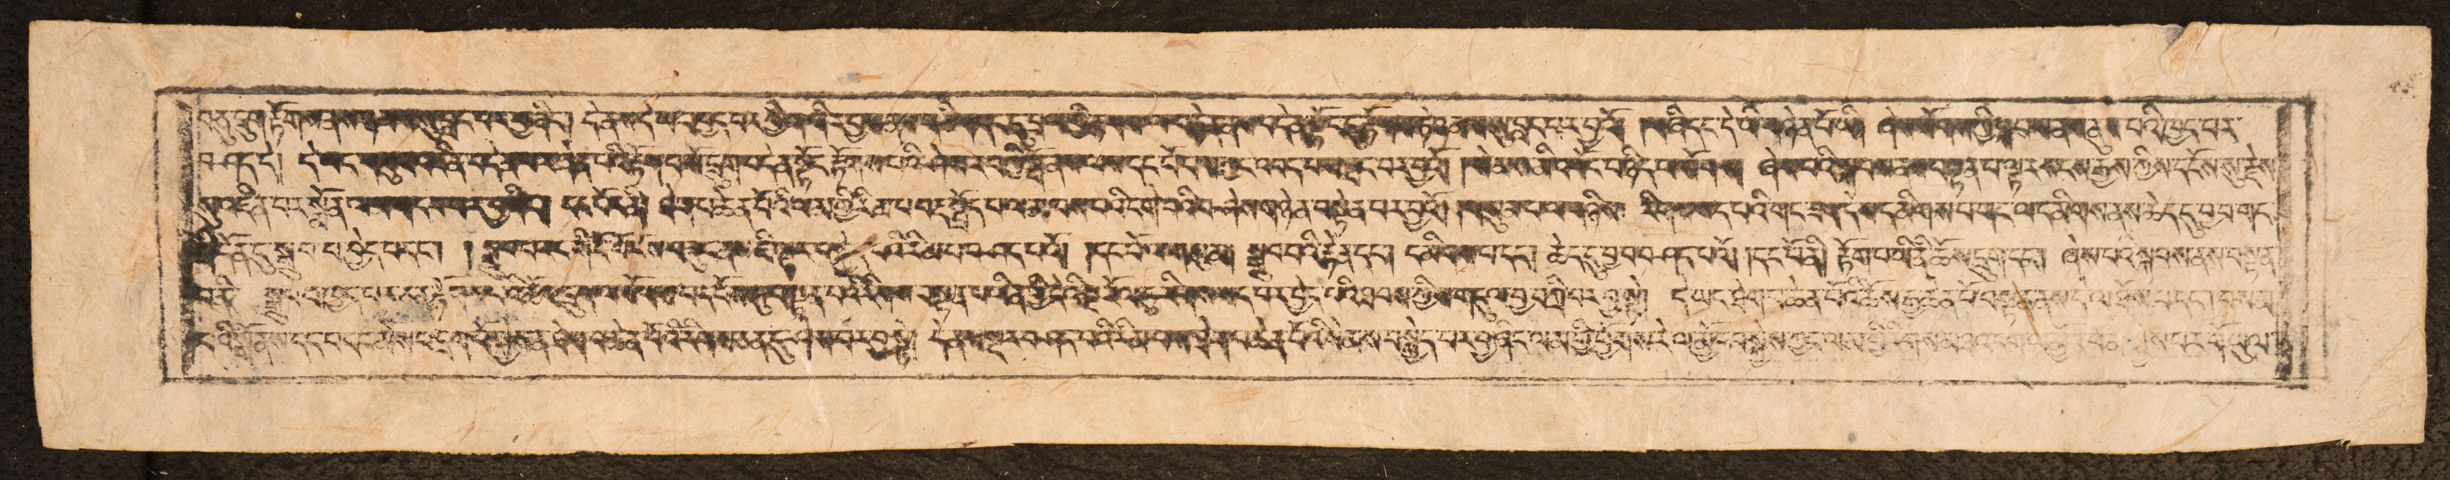བཅུ་དྲུག་རྟོགས་ནས་ཉམས་སུ་བླང་བར་བྱ་ཞིང་། དེ་ནས་དེ་ཡང་ཁྱད་པར་གྱི་གཞིར་བྱས་ནས་གཅིག་དང་དུ་བྲལ་གྱི་རྟགས་ལ་བརྟེན་ནས་བདེན་སྟོང་དུ་རྟོགས་ཏེ་ཉམས་སུ་བླང་པར་བྱའོ། །གཞི་དང་དེ་ཡི་གཉེན་པོ་ཡི། ཞེས་སོགས་ཀྱི་སྐབས་ནས་ནུས་པའི་ཁྱད་པར་
བཤད་དེ། དེ་ཡང་གཟུང་འཛིན་བདེན་པར་ཞེན་པའི་རྟོག་པ་སོ་དྲུག་བདེན་སྟོང་རྟོགས་པའི་ཤེས་རབ་ཀྱི་སྒོ་ནས་ལས་དང་པོ་པས་ཀྱང་འབད་པས་སྤང་བར་བྱའོ། །སེམས་མི་འགོང་བ་ཉིད་ལ་སོགས། ཞེས་པའི་སྐབས་ནས་བསྟན་པ་ལྟར་སངས་རྒྱས་ཀྱིས་དངོས་སུ་རྗེས་
སུ་འཛིན་པར་སྨོན་ལམ་གདབ་པར་བྱ་ཞིང་། དང་པོར་ནི། ཐེག་པ་ཆེན་པོའི་ལམ་གྱི་རིམ་པ་བརྡ་སྤྲོད་པ་ལ་མཁས་པའི་དགེ་བའི་བཤེས་གཉེན་བསྟེན་པར་བྱའོ། །གསུམ་པ་ལ་གཉིས། རིགས་སད་པའི་གང་ཟག་དེས་དམིགས་པ་གང་ལ་དམིགས་ནས་ཆེད་དུ་བྱ་བ་གང་
གི་དོན་དུ་སྒྲུབ་པ་བྱེད་པ་དང་། །སྒྲུབ་པ་རང་གི་ངོ་བོ་ངོས་བཟུང་ནས་ཇི་ལྟར་བསྐྱེད་པའི་རིམ་པ་བཤད་པའོ། །དང་པོ་ལ་གསུམ། སྒྲུབ་པའི་རྟེན་དང་། དམིགས་པ་དང་། ཆེད་དུ་བྱ་བ་བཤད་པའོ། །དང་པོ་ནི། རྟོག་པ་ཡི་ནི་ཆོས་དྲུག་དང་། ཞེས་པའི་སྐབས་ནས་བསྟན་
པ་ནི། སྒྲུབ་པ་ཁྱད་པར་ཅན་རྟོགས་པའི་ཆོས་དྲུག་ལ་སོགས་པ་དངོས་སུ་བསྟན་པའི་རིགས་བསྟན་པ་ཡིན་གྱི་དེའི་སྔ་རོལ་ཏུ་རིགས་སད་པར་བྱེད་པའི་ཐབས་ཀྱིས་གདུལ་བྱ་བཀྲི་བར་བྱ་སྟེ། དེ་ཡང་ཐེག་པ་ཆེན་པོའི་ཆོས་རྒྱ་ཆེན་པོ་བསྟན་ནས་དེ་ལ་ཐོས་པ་དང་། བསམ་
པའི་སྒོ་ནས་དད་པ་དང་མོས་པ་དྲག་པོ་སྐྱེས་ན་ཐེག་པ་ཆེན་པོའི་རིགས་ཅན་དུ་ཤེས་པར་བྱ་སྟེ། དེ་ནས་སྔར་བཤད་པའི་རིམ་པས་ཐེག་པ་ཆེན་པོའི་སེམས་བསྐྱེད་པར་བྱ་ཞིང་ལམ་གྱི་ཕྱོགས་རེ་ལ་མྱོང་བ་སྐྱེས་ཀྱང་ལམ་གྱི་རིགས་མཐའ་དག་ལ་མྱོང་བ་མ་སྐྱེས་པར་གོ་ཡུལ་